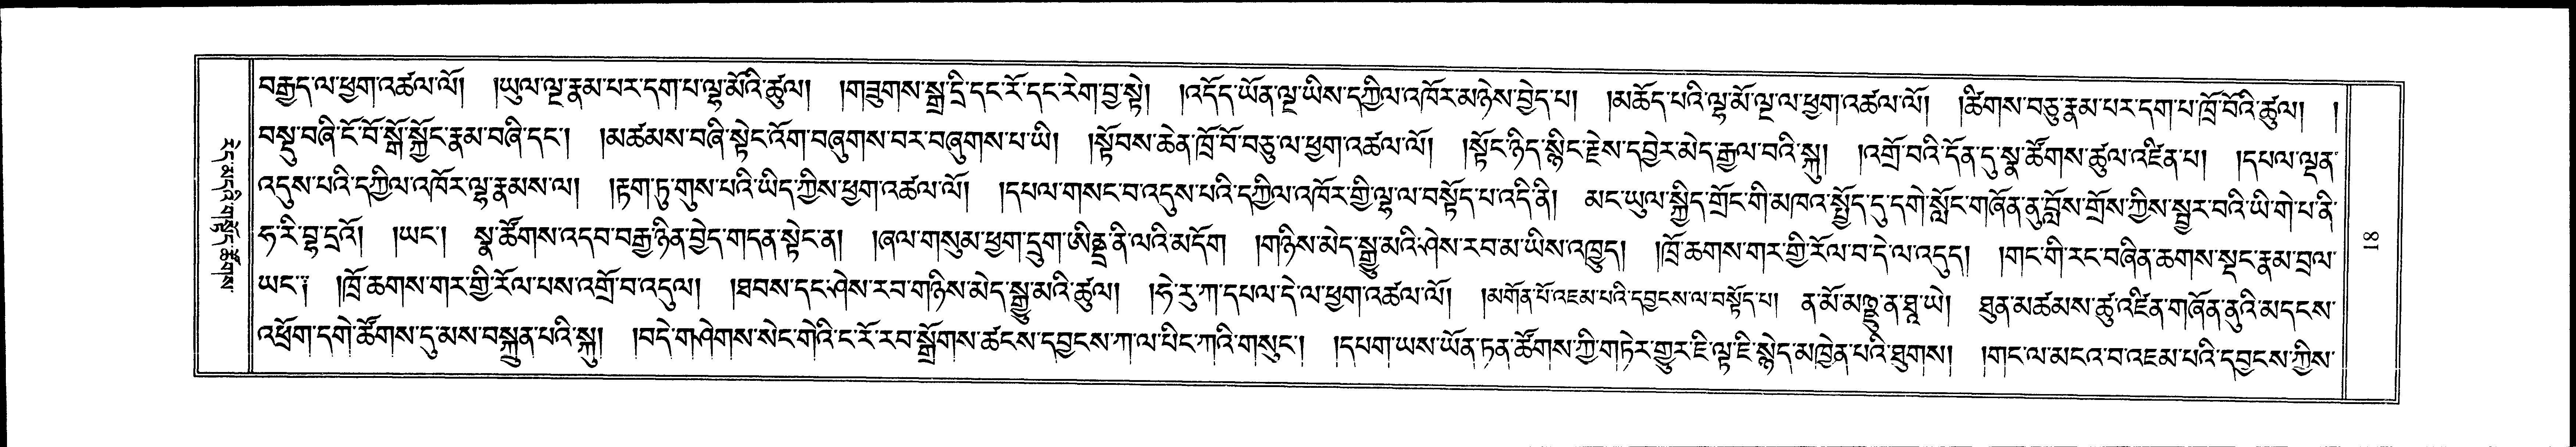བརྒྱད་ལ་ཕྱག་འཚལ་ལོ། །ཡུལ་ལྔ་རྣམ་པར་དག་པ་ལྷ་མོའི་ཚུལ། །གཟུགས་སྒྲ་དྲི་དང་རོ་དང་རེག་བྱ་སྟེ། །འདོད་ཡོན་ལྔ་ཡིས་དཀྱིལ་འཁོར་མཉེས་བྱེད་པ། །མཆོད་པའི་ལྷ་མོ་ལྔ་ལ་ཕྱག་འཚལ་ལོ། །ཚིགས་བཅུ་རྣམ་པར་དག་པ་ཁྲོ་བོའི་ཚུལ།།
བསྡུ་བཞི་ངོ་བོ་སྒོ་སྐྱོང་རྣམ་བཞི་དང་། །མཚམས་བཞི་སྟེང་འོག་བཞུགས་བར་བཞུགས་པ་ཡི། །སྟོབས་ཆེན་ཁྲོ་བོ་བཅུ་ལ་ཕྱག་འཚལ་ལོ། །སྟོང་ཉིད་སྙིང་རྗེས་དབྱེར་མེད་རྒྱལ་བའི་སྐུ། །འགྲོ་བའི་དོན་དུ་སྣ་ཚོགས་ཚུལ་འཛིན་པ། །དཔལ་ལྡན་
འདུས་པའི་དཀྱིལ་འཁོར་ལྷ་རྣམས་ལ། །རྟག་ཏུ་གུས་པའི་ཡིད་ཀྱིས་ཕྱག་འཚལ་ལོ། །དཔལ་གསང་བ་འདུས་པའི་དཀྱིལ་འཁོར་གྱི་ལྷ་ལ་བསྟོད་པ་འདི་ནི། །མང་ཡུལ་སྐྱིད་གྲོང་གི་མཁའ་སྤྱོད་དུ་དགེ་སློང་གཞོན་ནུ་བློས་གྲོས་ཀྱིས་སྦྱར་བའི་ཡི་གེ་པ་ནི་
ཧ་རི་བྷ་དྲའོ། །ཡང་། སྣ་ཚོགས་འདབ་བརྒྱ་ཉིན་བྱེད་གདན་སྟེང་ན། །ཞལ་གསུམ་ཕྱག་དྲུག་ཨིནྡྲ་ནི་ལའི་མདོག །གཉིས་མེད་སྒྱུ་མའི་ཤེས་རབ་མ་ཡིས་འཁྱུད། །ཁྲོ་ཆགས་གར་གྱི་རོལ་བ་དེ་ལ་འདུད། །གང་གི་རང་བཞིན་ཆགས་སྡང་རྣམ་བྲལ་
ཡང་། །ཁྲོ་ཆགས་གར་གྱི་རོལ་པས་འགྲོ་བ་འདུལ། །ཐབས་དང་ཤེས་རབ་གཉིས་མེད་སྒྱུ་མའི་ཚུལ། །ཧེ་རུ་ཀ་དཔལ་དེ་ལ་ཕྱག་འཚལ་ལོ། །མགོན་པོ་འཇམ་པའི་དབྱངས་ལ་བསྟོད་པ། །ན་མོ་མཉྫུ་ན་ཐཱ་ཡེ། །ཐུན་མཚམས་ཚུ་འཛིན་གཞོན་ནུའི་མདངས་
འཕྲོག་དགེ་ཚོགས་དུ་མས་བསྐྲུན་པའི་སྐུ། །བདེ་གཤེགས་སེང་གེའི་ང་རོ་རབ་སྒྲོགས་ཚངས་དབྱངས་ཀ་ལ་པིང་ཀའི་གསུང་། །དཔག་ཡས་ཡོན་ཏན་ཚོགས་ཀྱི་གཏེར་གྱུར་ཇི་ལྟ་ཇི་སྙེད་མཁྱེན་པའི་ཐུགས། །གང་ལ་མངའ་བ་འཇམ་པའི་དབྱངས་ཀྱིས་